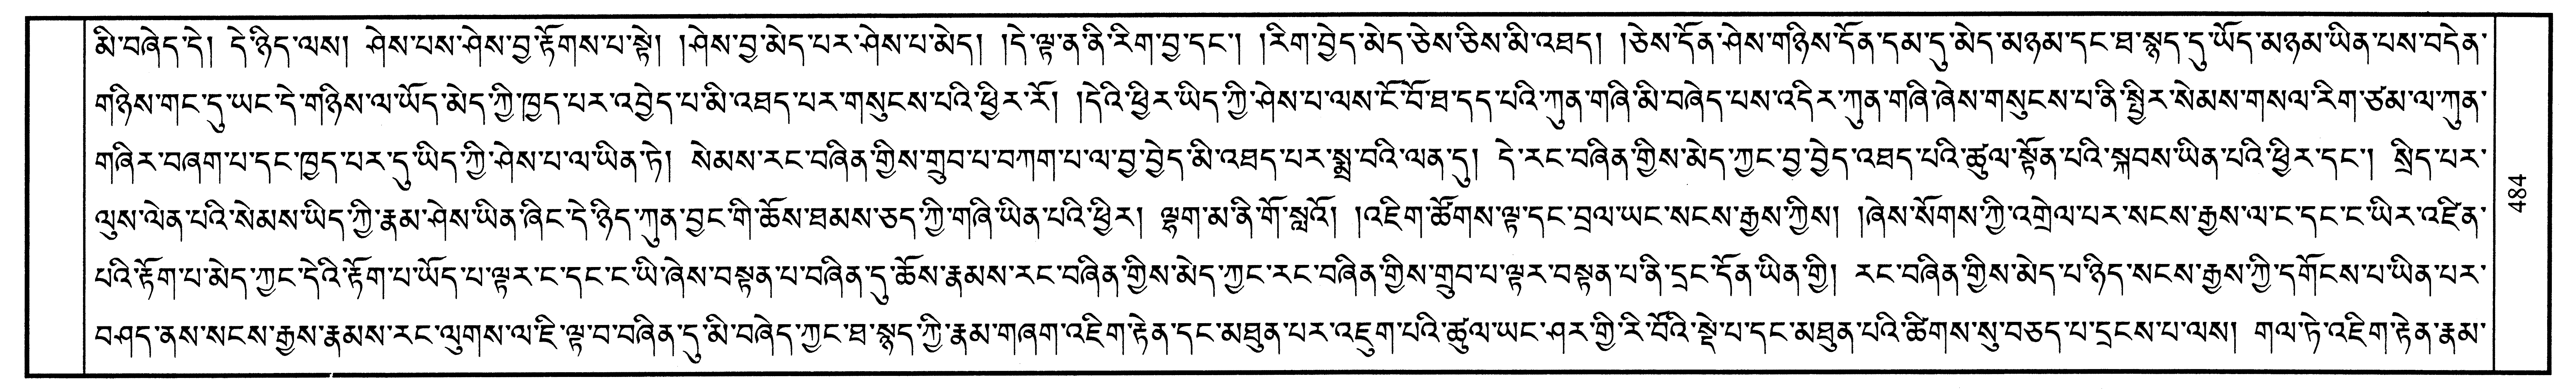མི་བཞེད་དེ། དེ་ཉིད་ལས། ཤེས་པས་ཤེས་བྱ་རྟོགས་པ་སྟེ། ཤེས་བྱ་མེད་པར་ཤེས་པ་མེད། །དེ་ལྟ་ན་ནི་རིག་བྱ་དང་། །རིག་བྱེད་མེད་ཅེས་ཅིས་མི་འཐད། །ཅེས་དོན་ཤེས་གཉིས་དོན་དམ་དུ་མེད་མཉམ་དང་ཐ་སྙད་དུ་ཡོད་མཉམ་ཡིན་པས་བདེན་
གཉིས་གང་དུ་ཡང་དེ་གཉིས་ལ་ཡོད་མེད་ཀྱི་ཁྱད་པར་འབྱེད་པ་མི་འཐད་པར་གསུངས་པའི་ཕྱིར་རོ། །དེའི་ཕྱིར་ཡིད་ཀྱི་ཤེས་པ་ལས་ངོ་བོ་ཐ་དད་པའི་ཀུན་གཞི་མི་བཞེད་པས་འདིར་ཀུན་གཞི་ཞེས་གསུངས་པ་ནི་སྤྱིར་སེམས་གསལ་རིག་ཙམ་ལ་ཀུན་
གཞིར་བཞག་པ་དང་ཁྱད་པར་དུ་ཡིད་ཀྱི་ཤེས་པ་ལ་ཡིན་ཏེ། སེམས་རང་བཞིན་གྱིས་གྲུབ་པ་བཀག་པ་ལ་བྱ་བྱེད་མི་འཐད་པར་སྨྲ་བའི་ལན་དུ། དེ་རང་བཞིན་གྱིས་མེད་ཀྱང་བྱ་བྱེད་འཐད་པའི་ཚུལ་སྟོན་པའི་སྐབས་ཡིན་པའི་ཕྱིར་དང་། སྲིད་པར་
ལུས་ལེན་པའི་སེམས་ཡིད་ཀྱི་རྣམ་ཤེས་ཡིན་ཞིང་དེ་ཉིད་ཀུན་བྱང་གི་ཆོས་ཐམས་ཅད་ཀྱི་གཞི་ཡིན་པའི་ཕྱིར། ལྷག་མ་ནི་གོ་སླའོ། །འཇིག་ཚོགས་ལྟ་དང་བྲལ་ཡང་སངས་རྒྱས་ཀྱིས། །ཞེས་སོགས་ཀྱི་འགྲེལ་པར་སངས་རྒྱས་ལ་ང་དང་ང་ཡིར་འཛིན་
པའི་རྟོག་པ་མེད་ཀྱང་དེའི་རྟོག་པ་ཡོད་པ་ལྟར་ང་དང་ང་ཡི་ཞེས་བསྟན་པ་བཞིན་དུ་ཆོས་རྣམས་རང་བཞིན་གྱིས་མེད་ཀྱང་རང་བཞིན་གྱིས་གྲུབ་པ་ལྟར་བསྟན་པ་ནི་དྲང་དོན་ཡིན་གྱི། རང་བཞིན་གྱིས་མེད་པ་ཉིད་སངས་རྒྱས་ཀྱི་དགོངས་པ་ཡིན་པར་
བཤད་ནས་སངས་རྒྱས་རྣམས་རང་ལུགས་ལ་ཇི་ལྟ་བ་བཞིན་དུ་མི་བཞེད་ཀྱང་ཐ་སྙད་ཀྱི་རྣམ་གཞག་འཇིག་རྟེན་དང་མཐུན་པར་འཇུག་པའི་ཚུལ་ཡང་ཤར་གྱི་རི་བོའི་སྡེ་པ་དང་མཐུན་པའི་ཚིགས་སུ་བཅད་པ་དྲངས་པ་ལས། གལ་ཏེ་འཇིག་རྟེན་རྣམ་